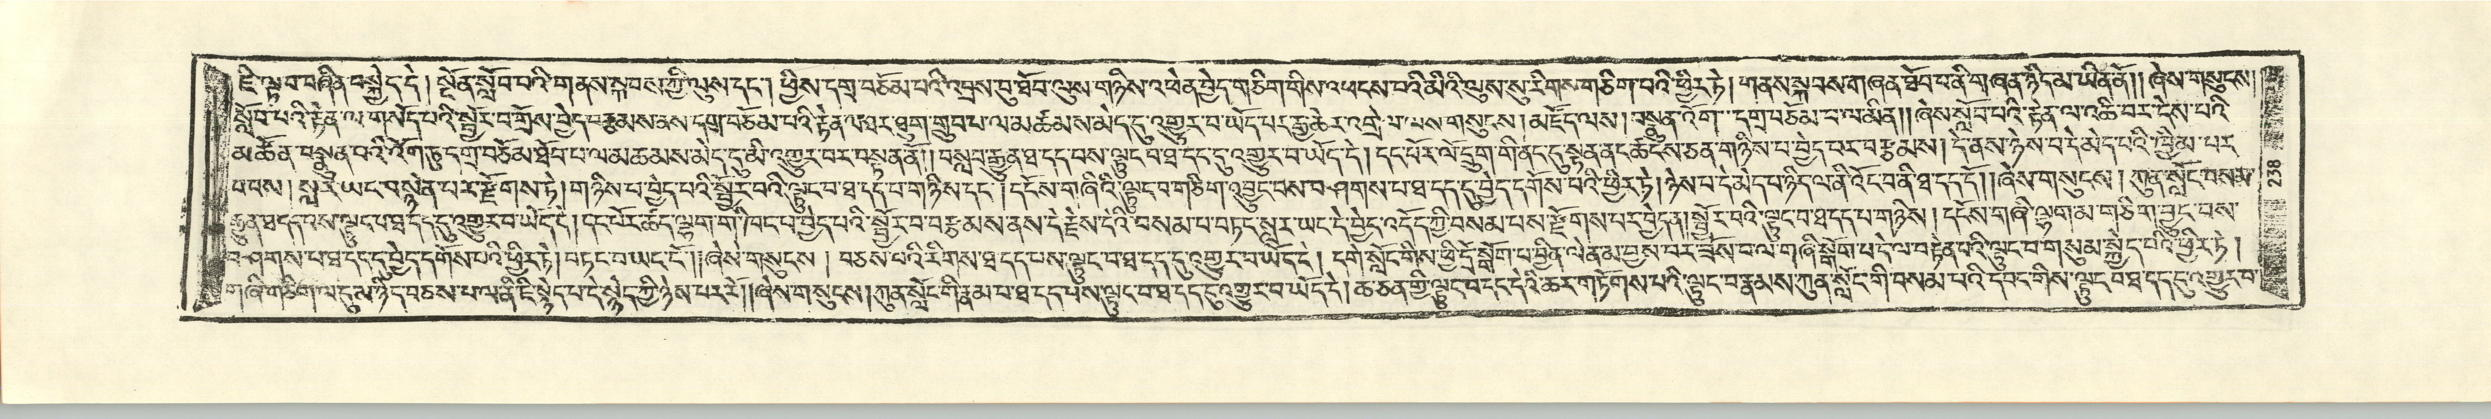ཇི་ལྟ་བ་བཞིན་བསྐྱེད་དེ། སྔོན་སློབ་པའི་གནས་སྐབས་ཀྱི་ལུས་དང་། ཕྱིས་དགྲ་བཅོམ་པའི་འབྲས་བུ་ཐོབ་ལུས་གཉིས་འཕེན་བྱེད་གཅིག་གིས་འཕངས་པའི་མིའི་ལུས་སུ་རིགས་གཅིག་པའི་ཕྱིར་ཏེ། གནས་སྐབས་གཞན་ཐོབ་པ་ནི་གཞན་ཉིད་མ་ཡིན་ནོ། །ཞེས་གསུངས།
སློབ་པའི་རྟེན་ལ་གསོད་པའི་སྦྱོར་བ་གྲོས་བྱེད་པ་རྩམས་ནས་དགྲ་བཅོམ་པའི་རྟེན་ལ་ཐར་ཐུག་གྲུབ་པ་ལ་མཚམས་མེད་དུ་འགྱུར་བ་ཡོད་པར་རྒྱ་ཆེར་འགྲེལ་ལས་གསུངས། མཛོད་ལས། བསྣུན་འོག་དགྲ་བཅོམ་པ་ལ་མིན། །ཞེས་སློབ་པའི་རྟེན་ལ་འཆི་བར་དེས་པའི་
མཚོན་བསྣུན་པའི་འོག་ཏུ་དགྲ་བཅོམ་ཐོབ་པ་ལ་མཆམས་མེད་དུ་མི་འགྱུར་བར་བསྟན་ནོ། །བསླབ་རྒྱུན་ཐ་དད་པས་ལྟུང་བ་ཐ་དང་དུ་འགྱུར་བ་ཡོད་དེ། དང་པོར་ལོ་དྲུག་གི་ནང་དུ་སྟན་ནང་ཚངས་ཅན་གཉིས་པ་བྱེད་པར་བརྩམས། དེ་ནས་ཉེས་བ་དེ་མེད་པའི་ཁྱིམ་པར་
བབས། སླར་ཡང་བསྙེན་པར་རྫོགས་ཏེ། གཉིས་པ་བྱེད་པའི་སྦྱོར་བའི་ལྟུང་བ་ཐ་དད་པ་གཉིས་དང་། དངོས་གཞིའི་ལྟུང་བ་གཅིག་འབྱུང་བས་བཤགས་པ་ཐ་དད་དུ་བྱེད་དགོས་པའི་ཕྱིར་ཏེ། ཉེས་པ་དེ་མེད་པ་ཉིད་ལ་ནི་འོང་བ་ནི་ཐ་དད་དོ། །ཞེས་གསུངས། ཀུན་སློང་བསམ་
རྒྱུན་ཐ་དད་ལས་ལྟུང་བ་ཐ་དད་དུ་འགྱུར་བ་ཡོད་དེ། དང་པོར་ཚད་ལྷག་གི་ཁང་པ་བྱེད་པའི་སྦྱོར་བ་བརྩམས་ནས་དེ་རྗེས་དེའི་བསམ་པ་བཏང་སླར་ཡང་དེ་བྱེད་འདོད་ཀྱི་བསམ་པས་རྫོགས་པར་བྱེད་ན། སྦྱོར་བའི་ལྟུང་བ་ཐ་དད་པ་གཉིས། །དངོས་གཞི་ལྷག་མ་གཅིག་བྱུང་བས་
བཤགས་པ་ཐ་དད་དུ་བྱེད་དགོས་པའི་ཕྱིར་ཏེ། བཏང་བ་ཡང་ངོ། །ཞེས་གསུངས། བཅས་པའི་རིགས་ཐ་དད་པས་ལྟུང་བ་ཐ་དད་དུ་འགྱུར་བ་ཡོད་དེ། དགེ་སློང་གིས་ཕྱི་དྲོ་སྒོག་པ་བྱིན་ལེན་མ་བྱས་པར་ཟོས་པ་ལ་གཞི་སྒོག་པ་དེ་ལ་བརྟེན་པའི་ལྟུང་བ་གསུམ་སྐྱེད་པའི་ཕྱིར་ཏེ།
གཞི་གཅིག་ལ་དུ་མ་ཉིད་བཅས་པ་ལ་ནི་ཇི་སྙེད་པ་དེ་སྙེད་ཀྱི་ཉེས་པར་རོ། །ཞེས་གསུངས། ཀུན་སློང་གི་རྣམ་པ་ཐ་དད་པས་ལྟུང་བ་ཐ་དད་དུ་འགྱུར་བ་ཡོད་དེ། ཆ་ཅན་གྱི་ལྟུང་བ་དང་དེའི་ཆར་གཏོགས་པའི་ལྟུང་བ་རྣམས་ཀུན་སློང་གི་བསམ་པའི་དབང་གིས་ལྟུང་བ་ཐ་དད་དུ་འགྱུར་བ་